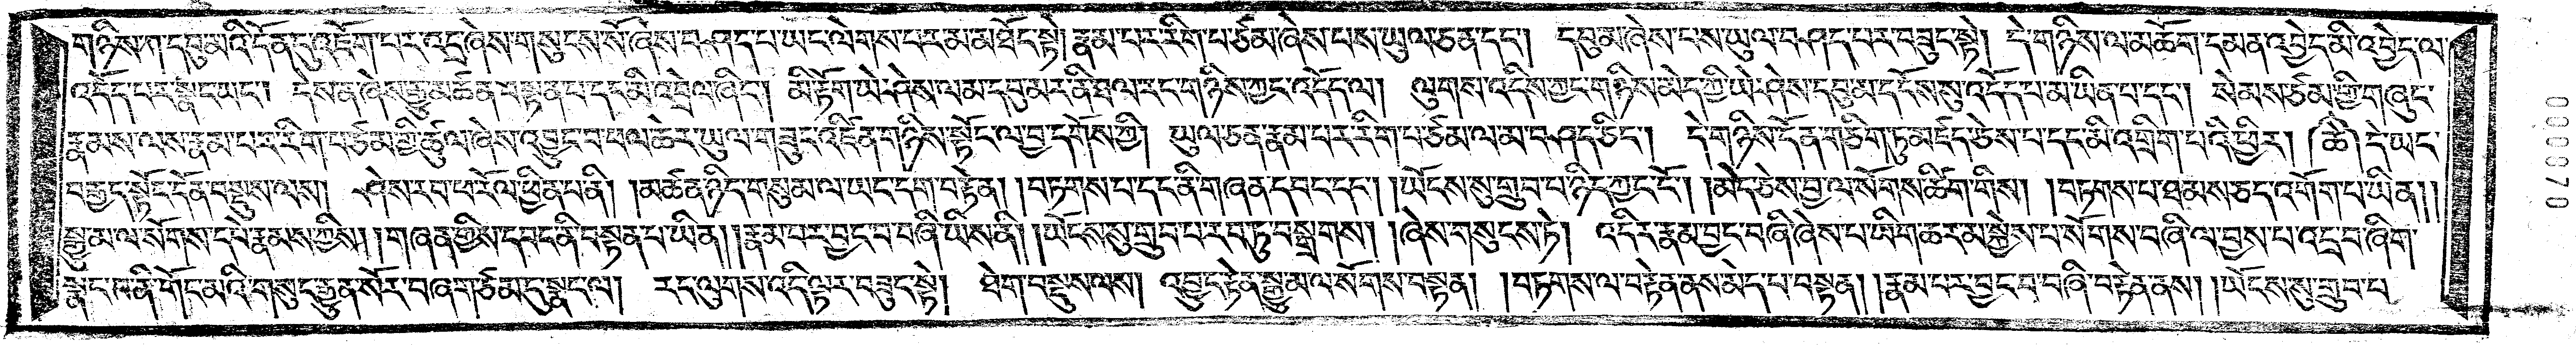གཉིས་ཀ་དབུ་མའི་དོན་དུ་འཇོག་པར་འདྲ་ཞེས་གསུངས་སོ་ཞེས་བཤད་པ་ཡང་ལེགས་པར་མ་མཐོང་སྟེ། རྣམ་པར་རིག་པ་ཙམ་ཞེས་པས་ཡུལ་ཅན་དང་། དབུ་མ་ཞེས་པས་ཡུལ་བཤད་པར་བཟུང་སྟེ། དེ་གཉིས་ལ་མཆོག་དམན་འབྱེད་མི་འབྱེད་ལ་
འདོད་པར་སྣང་ཡང་། དེས་ན་ཞེས་རྒྱུ་མཚན་བསྟན་པ་དང་མི་འབྲེལ་ཞིང་། མི་རྟོག་ཡེ་ཤེས་ལམ་དབུ་མར་ནི་ཐལ་རང་གཉིས་ཀྱང་འདོད་ལ། ལུགས་འདིས་ཀྱང་གཉིས་མེད་ཀྱི་ཡེ་ཤེས་དབུ་མ་དངོས་སུ་འདོད་པ་མ་ཡིན་པ་དང་། སེམས་ཙམ་གྱི་གཞུང་
རྣམས་ལས་རྣམ་པར་རིག་པ་ཙམ་གྱི་ཚུལ་ཞེས་འབྱུང་བ་ཕལ་ཆེར་ཡུལ་གཟུང་འཛིན་གཉིས་སྟོང་ལ་བྱ་དགོས་ཀྱི། ཡུལ་ཅན་རྣམ་པར་རིག་པ་ཙམ་ལ་མ་བཤད་ཅིང་། དེ་གཉིས་དོན་གཅིག་ཏུ་མཛད་ཅེས་པ་དང་མི་འགྲིག་པའི་ཕྱིར། ༼ཆེ༽ དེ་ཡང་
བརྒྱད་སྟོང་དོན་བསྡུས་ལས། ཤེས་རབ་ཕ་རོལ་ཕྱིན་པ་ནི། །མཚན་ཉིད་གསུམ་ལ་ཡང་དག་བརྟེན། །བཏགས་པ་དང་ནི་གཞན་དབང་དང་། །ཡོངས་སུ་གྲུབ་པ་ཉིད་ཀྱང་ངོ། །མེད་ཅེས་བྱ་ལ་སོགས་ཚིག་གིས། །བཏགས་པ་ཐམས་ཅད་འགོག་པ་ཡིན། །
སྒྱུ་མ་ལ་སོགས་དཔེ་རྣམས་ཀྱིས། །གཞན་གྱིས་དབང་ནི་བསྟན་པ་ཡིན། །རྣམ་པར་བྱང་བ་བཞི་ཡིས་ནི། །ཡོངས་སུ་གྲུབ་པ་རབ་ཏུ་བསྒྲགས། །ཞེས་གསུངས་ཏེ། འདིར་རྣམ་བྱང་བཞི་ཞེས་པ་ཡིག་ཆར་མ་སྐྱེས་པ་སོགས་བཞི་ལ་བྱས་པ་འདྲ་བ་ཞིག་
སྣང་བ་ནི་གོང་མའི་གསུང་རྒྱུན་སོར་བཞག་ཙམ་དུ་སྣང་ལ། རང་ལུགས་འདི་ལྟར་བཟུང་སྟེ། ཐེག་བསྡུས་ལས། འབྱུང་རྟེན་སྒྱུ་མ་ལ་སོགས་བསྟན། །བཏགས་ལ་བརྟེན་ནས་མེད་པ་བསྟན། །རྣམ་པར་བྱང་བ་བཞི་བརྟེན་ནས། །ཡོངས་སུ་གྲུབ་པ་